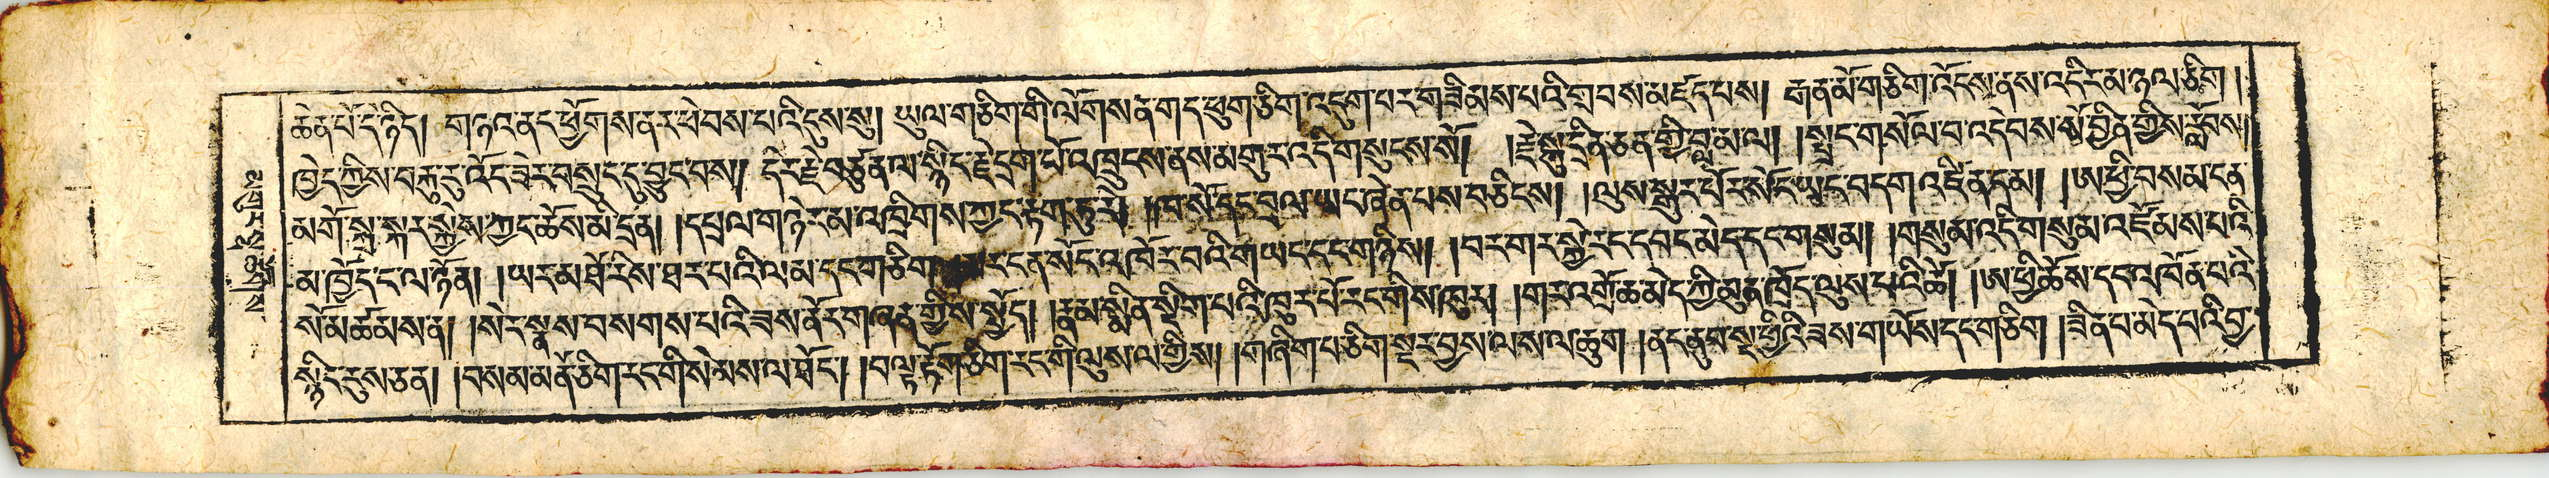ཆེན་པོ་དེ་ཉིད། གཉའ་ནང་ཕྱོགས་ནར་ཕེབས་པའི་དུས་སུ། ཡུལ་གཅིག་གི་ལོགས་ན་གད་ཕུག་ཅིག་འདུག་པར་གཟིམས་པའི་གྲབས་མཛད་པས། རྒན་མོ་གཅིག་འོངས་ནས་འདིར་མ་ཉལ་ཅིག 
ཁྱེད་ཀྱིས་བརྐུ་རུ་འོང་ཟེར་བསྲུང་དུ་བྱུང་པས། དིང་རྗེ་བཙུན་ལ་སྙིང་རྗེ་དྲག་པོ་འཁྲུངས་ནས་མགུར་འདི་གསུངས་སོ། །རྗེ་སྐུ་དྲིན་ཅན་གྱི་བླ་མ་ལ། །སྤྲང་གསོལ་བ་འདེབས་སོ་བྱིན་གྱིས་རློབས། །
མགོ་སྐྲ་སྐར་སྐྱེས་ཀྱང་ཆོས་མི་དྲན། །དཔྲལ་གཉེར་མ་འཁྲིགས་ཀྱང་རྟག་ཏུ་རེ། །ཁ་སོ་དང་བྲལ་ཡང་ཞེན་པས་བཅིངས། །ལུས་སྒུར་པོར་སོང་ཡང་བདག་འཛིན་དམ། །ཨ་ཕྱི་བསམ་ངན་
མ་ཁྱོད་ང་ལ་ཉོན། །ཡར་མཐོ་རིས་ཐར་པའི་ལམ་དང་གཅིག གར་ངན་སོང་འཁོར་བའི་གཡང་དང་གཉིས། །བར་གར་སྐྱེ་རང་དབང་མེད་དང་གསུམ། །གསུམ་འདི་གསུམ་འཛོམས་པའི་
ས་མཚམས་ན། །སེར་སྣས་བསགས་པའི་ཟས་ནོར་གཞན་གྱིས་སྤྱོད། །རྣམ་སྨིན་སྡིག་པའི་ཁུར་པོ་རང་གིས་ཁུར། །གར་འགྲོ་ཆ་མེད་ཀྱི་ཀུན་ཁྲོད་ལུས་པའི་ཚེ། །ཨ་ཕྱི་ཆོས་དང་འཁོན་པའི་
སྙིང་རུས་ཅན། །བསམ་མནོ་ཅིག་རང་གི་སེམས་ལ་ཐོང་། །བལྟ་རྟོག་ཅིག་རང་གི་ལུས་ལ་གྱིས། །གཞག་པ་ཅིག་སྔར་བྱས་ལས་ལ་ཆུག །ནང་ནུབ་སྔ་ཕྱིའི་ཟས་གཡོས་དང་གཅིག །ཟིན་པ་མེད་པའི་བྱ་